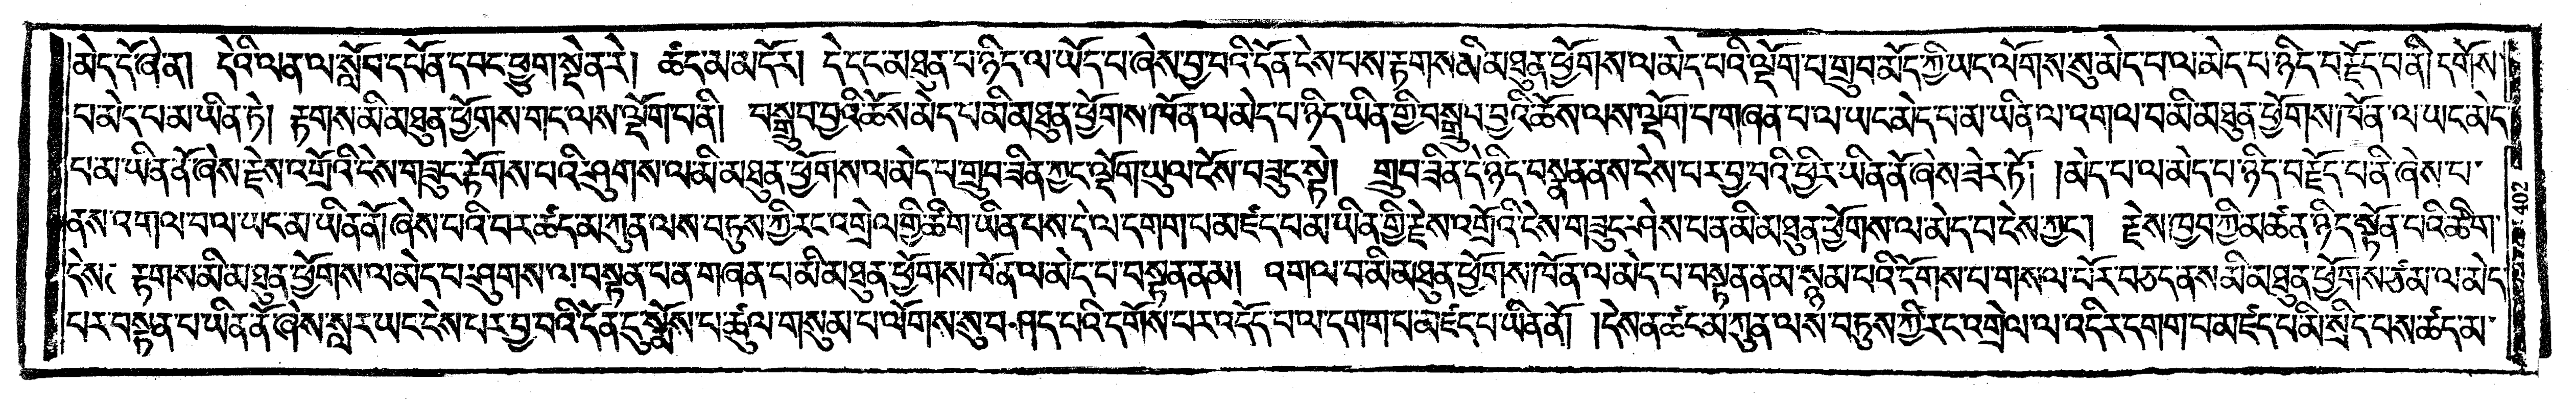མེད་དོ་ཞེ་ན། དེའི་ལན་ལ་སློབ་དཔོན་དབང་ཕྱུག་སྡེ་ན་རེ། ཚད་མ་མདོར། དེ་དང་མཐུན་པ་ཉིད་ལ་ཡོད་པ་ཞེས་བྱ་བའི་དོན་ངེས་པས་རྟགས་མི་མཐུན་ཕྱོགས་ལ་མེད་པའི་ལྡོག་པ་གྲུབ་མོད་ཀྱི་ཡང་ལོགས་སུ་མེད་པ་ལ་མེད་པ་ཉིད་བརྗོད་པ་ནི། དགོས་
པ་མེད་པ་མ་ཡིན་ཏེ། རྟགས་མི་མཐུན་ཕྱོགས་གང་ལས་ལྡོག་པ་ནི། བསྒྲུབ་བྱའི་ཆོས་མེད་པ་མི་མཐུན་ཕྱོགས་ཁོ་ན་ལ་མེད་པ་ཉིད་ཡིན་གྱི་བསྒྲུབ་བྱའི་ཆོས་ལས་ལྡོག་པ་གཞན་པ་ལ་ཡང་མེད་པ་མ་ཡིན་ལ་འགལ་བ་མི་མཐུན་ཕྱོགས་ཁོ་ན་ལ་ཡང་མེད་
པ་མ་ཡིན་ནོ་ཞེས་རྗེས་འགྲོའི་ངེས་གཟུང་རྟོགས་པའི་ཤུགས་ལ་མི་མཐུན་ཕྱོགས་ལ་མེད་པ་གྲུབ་ཟིན་ཀྱང་ལྡོག་ཡུལ་ངོས་བཟུང་སྟེ། གྲུབ་ཟིན་དེ་ཉིད་བསྣན་ནས་ངེས་པར་བྱ་བའི་ཕྱིར་ཡིན་ནོ་ཞེས་ཟེར་ཏོ། །མེད་པ་ལ་མེད་པ་ཉིད་བརྗོད་པ་ནི་ཞེས་པ་
ནས་འགལ་བ་ལ་ཡང་མ་ཡིན་ནོ། ཞེས་པའི་བར་ཚད་མ་ཀུན་ལས་བཏུས་ཀྱི་རང་འགྲེལ་གྱི་ཚིག་ཡིན་པས་དེ་ལ་དགག་པ་མཛད་པ་མ་ཡིན་གྱི་རྗེས་འགྲོའི་ངེས་གཟུང་ཤེས་པ་ན་མི་མཐུན་ཕྱོགས་ལ་མེད་པ་ངེས་ཀྱང་། རྗེས་ཁྱབ་ཀྱི་མཚན་ཉིད་སྟོན་པའི་ཚིག་
དེས། རྟགས་མི་མཐུན་ཕྱོགས་ལ་མེད་པ་ཤུགས་ལ་བསྟན་པ་ན་གཞན་པ་མི་མཐུན་ཕྱོགས་ཁོ་ན་ལ་མེད་པ་བསྟན་ནམ། འགལ་བ་མི་མཐུན་ཕྱོགས་ཁོ་ན་ལ་མེད་པ་བསྟན་ནམ་སྙམ་པའི་དོགས་པ་གསལ་པོར་བཅད་ནས་མི་མཐུན་ཕྱོགས་ཙམ་ལ་མེད་
པར་བསྟན་པ་ཡིན་ནོ་ཞེས་སླར་ཡང་ངེས་པར་བྱ་བའི་དོན་དུ་སྨོས་པ་ཚུལ་གསུམ་པ་ལོགས་སུ་བཤད་པའི་དགོས་པར་འདོད་པ་ལ་དགག་པ་མཛད་པ་ཡིན་ནོ། །དེས་ན་ཚང་མ་ཀུན་ལས་བཏུས་ཀྱི་རང་འགྲེལ་ལ་འདིར་དགག་པ་མཛད་པ་མི་སྲིད་པས་ཚད་མ་